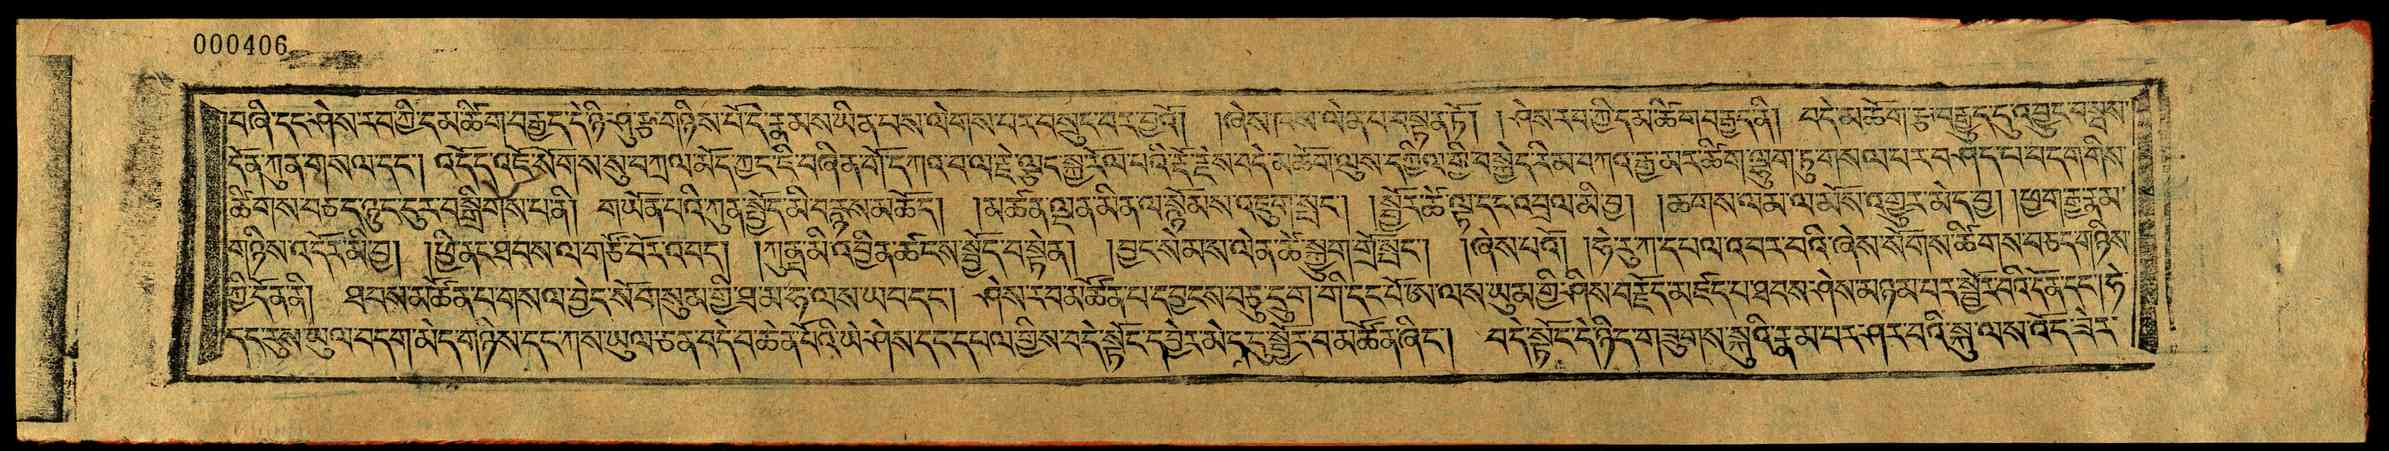བཞི་དང་ཤེས་རབ་གྱི་དམ་ཚིག་བརྒྱད་དེ་ཉི་ཤུ་རྩ་གཉིས་པོ་དེ་རྣམས་ཡིན་པས་ལེགས་པར་བསྲུང་བར་བྱའོ། །ཞེས་ཁས་ལེན་པ་བསྟན་ཏོ། །ཤེས་རབ་ཀྱི་དམ་ཚིག་བརྒྱད་ནི། བདེ་མཆོག་རྩ་བརྒྱུད་དུ་འབྱུང་བ་སྦ་
དོན་ཀུན་གསལ་དང་། འདོད་འཇོ་སོགས་སུ་བཀྲལ་མོད་ཀྱང་ཇི་བཞིན་གོ་དཀའ་བ་ལ་རྗེ་ལྕང་སྐྱ་རོལ་པའི་རྡོ་རྗེས་བདེ་མཆོག་ལུས་དཀྱིལ་གྱི་བསྐྱེད་རིམ་བཀའ་རྒྱ་མར་ཚིག་ལྷུག་ཏུ་གསལ་བར་བཤད་པ་བདག་གིས་
ཚིགས་བཅད་ཉུང་ངུར་བསྒྲིགས་པ་ནི། གཡོན་པའི་ཀུན་སྤྱོད་མི་བརྙས་མཆོད། །མཚན་ལྡན་མིན་ལ་སྙོམས་འཇུག་སྤང་། །སྦྱོར་ཚེ་ལྟ་དང་འབྲལ་མི་བྱ། །ཆགས་ལམ་ལ་མོས་འགྱུར་མེད་བྱ། །ཕྱག་རྒྱ་རྣམ་
གཉིས་འདོར་མི་བྱ། །ཕྱི་ནང་ཐབས་ལ་གཙོ་བོར་འབད། །ཀུནྡ་མི་འབྱིན་ཚངས་སྤྱོད་བསྟེན། །བྱང་སེམས་ལེན་ཚེ་སྐྱུག་བྲོ་སྤང་། །ཞེས་པའོ། །ཧེ་རུ་ཀ་དཔལ་འབར་བའི་ཞེས་སོགས་ཚིགས་བཅད་གཉིས་
ཀྱི་དོན་ནི། ཐབས་མཚོན་པ་གསལ་བྱེད་སོ་གསུམ་གྱི་ཐ་མ་ཧེ་ལས་ཡབ་དང་། ཤེས་རབ་མཚོན་པ་དབྱངས་བཅུ་དྲུག་གི་དང་པོ་ཨ་ལས་ཡུམ་གྱི་ཤིས་བརྗོད་མཛད་པ་ཐབས་ཤེས་མཉམ་པར་སྦྱོར་བའི་དོན་དང་། ཧེ་
དང་རུས་ཡུལ་བདག་མེད་གཉིས་དང་ཀས་ཡུལ་ཅན་བདེ་བ་ཆེན་པོའི་ཡེ་ཤེས་དང་དཔལ་གྱིས་བདེ་སྟོང་དབྱེར་མེད་དུ་སྦྱོར་བ་མཚོན་ཞིང་། བདེ་སྟོང་དེ་ཉིད་གཟུགས་སྐུའི་རྣམ་པར་ཤར་བའི་སྐུ་ལས་འོད་ཟེར་